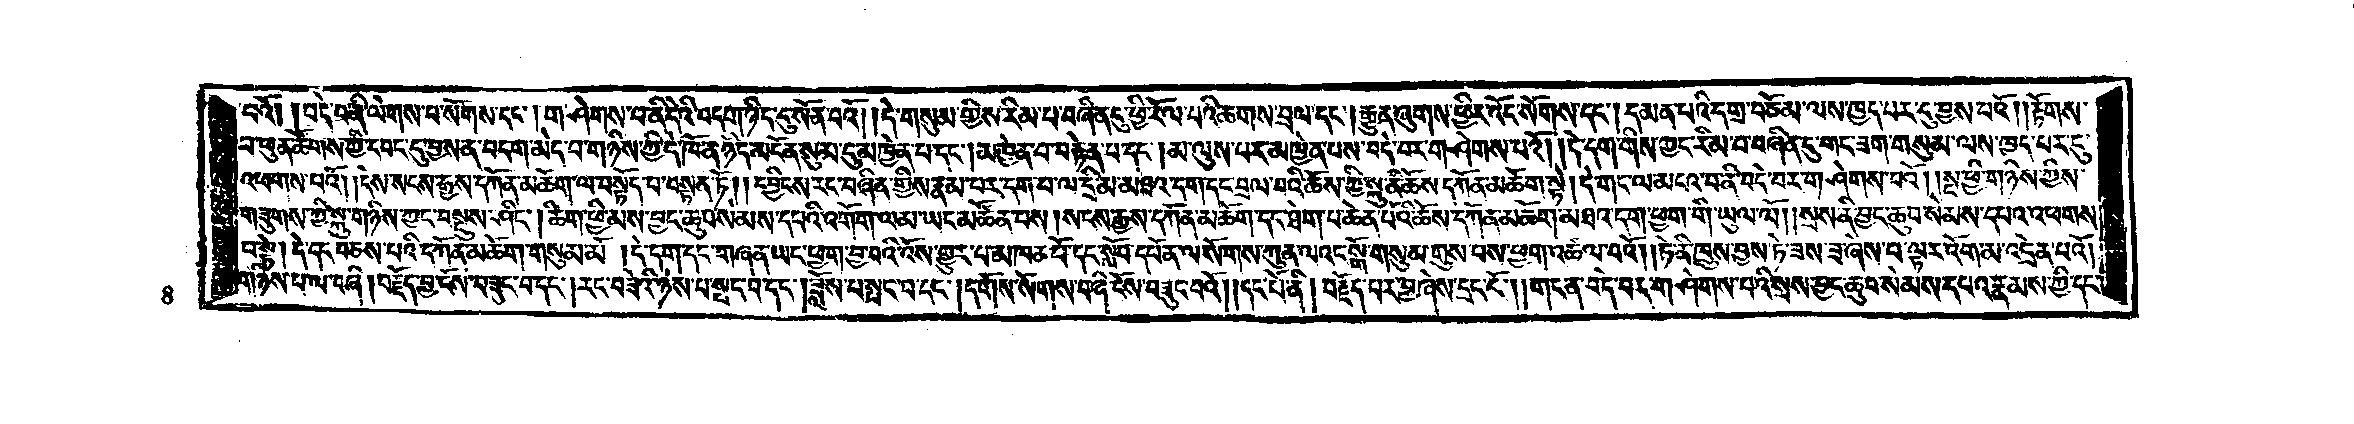པའོ༑ ༑བདེ་བ་ནི་ལེགས་པ་སོགས་དང་། གཤེགས་པ་ནི་དེའི་བདག་ཉིད་དུ་སོན་པའོ། །དེ་གསུམ་གྱིས་རིམ་པ་བཞིན་དུ་ཕྱི་རོལ་པའི་ཆགས་བྲལ་དང་། རྒྱུན་ཞུགས་ཕྱིར་འོང་སོགས་དང་། དམན་པའི་དགྲ་བཅོམ་ལས་ཁྱད་པར་དུ་བྱས་པའོ། །རྟོགས་
པ་ཕུན་ཚོགས་ཀྱི་དབང་དུ་བྱས་ན་བདག་མེད་པ་གཉིས་ཀྱི་དེ་ཁོ་ན་ཉིད་མངོན་སུམ་དུ་མཁྱེན་པ་དང་། མཁྱེན་པ་བརྟེན་པ་དང་། མ་ལུས་པར་མཁྱེན་པས་བདེ་བར་གཤེགས་པའོ། །དེ་དག་གིས་ཀྱང་རིམ་པ་བཞིན་དུ་གང་ཟག་གསུམ་ལས་ཁྱད་པར་དུ་
འཕགས་པའོ། །དེས་སངས་རྒྱས་དཀོན་མཆོག་ལ་བསྟོད་པ་བསྟན་ཏོ། །དབྱིངས་རང་བཞིན་གྱིས་རྣམ་པར་དག་པ་ལ་དྲི་མ་མཐའ་དག་དང་བྲལ་བའི་ཆོས་ཀྱི་སྐུ་ནི་ཆོས། དཀོན་མཆོག་སྟེ། དེ་གང་ལ་མངའ་བ་ནི་བདེ་བར་གཤེགས་པའོ། །སྔ་ཕྱི་གཉིས་ཀྱིས་
གཟུགས་ཀྱི་སྐུ་གཉིས་ཀྱང་བསྡུས་ཤིང་། ཚིགས་ཕྱི་མས་བྱང་ཆུབ་སེམས་དཔའི་འགོག་ལམ་ཡང་མཚོན་པས། སངས་རྒྱས་དཀོན་མཆོག་དང་ཐེག་པ་ཆེན་པོའི་ཆོས་དཀོ༠ན་མཆོག་མཐའ་དག་ཕྱག་གི་ཡུལ་ལོ། །སྲས་ནི་བྱང་ཆུབ་སེམས་དཔའ་འཕགས་
པ་སྟེ། དེ་དང་བཅས་པའི་དཀོན་མཆོག་གསུམ་མོ། །དེ་དག་དང་གཞན་ཡང་ཕྱག་བྱ་བའི་འོས་གྱུར་པ་མཁན་པོ་དང་སློབ་དཔོན་ལ་སོགས་ཀུན་ལའང་སྒོ་གསུམ་གུས་པས་ཕྱག་འཚལ་བའོ། །ཏེ་ནི་ཁྲུས་བྱས་ཏེ་ཟས་ཟ་ཞེས་པ་ལྟར་འོག་མ་འདྲེན་པའོ། །
གཉིས་པ་ལ་བཞི། བརྗོད་བྱ་ངོས་བཟུང་བ་དང་། རང་བཟེའི་ཉེས་པ་སྤང་བ་དང་། ཟློས་པ་སྤང་བ་དང་། དགོས་སོགས་བཞི་ངོས་བཟུང་བའོ། །དང་པོ་ནི། བརྗོད་པར་བྱ་ཞེས་དྲང་ངོ། །གང་ན་བདེ་བར་གཤེགས་པའི་སྲས་བྱང་ཆུབ་སེམས་དཔའ་རྣམས་ཀྱི་དང་